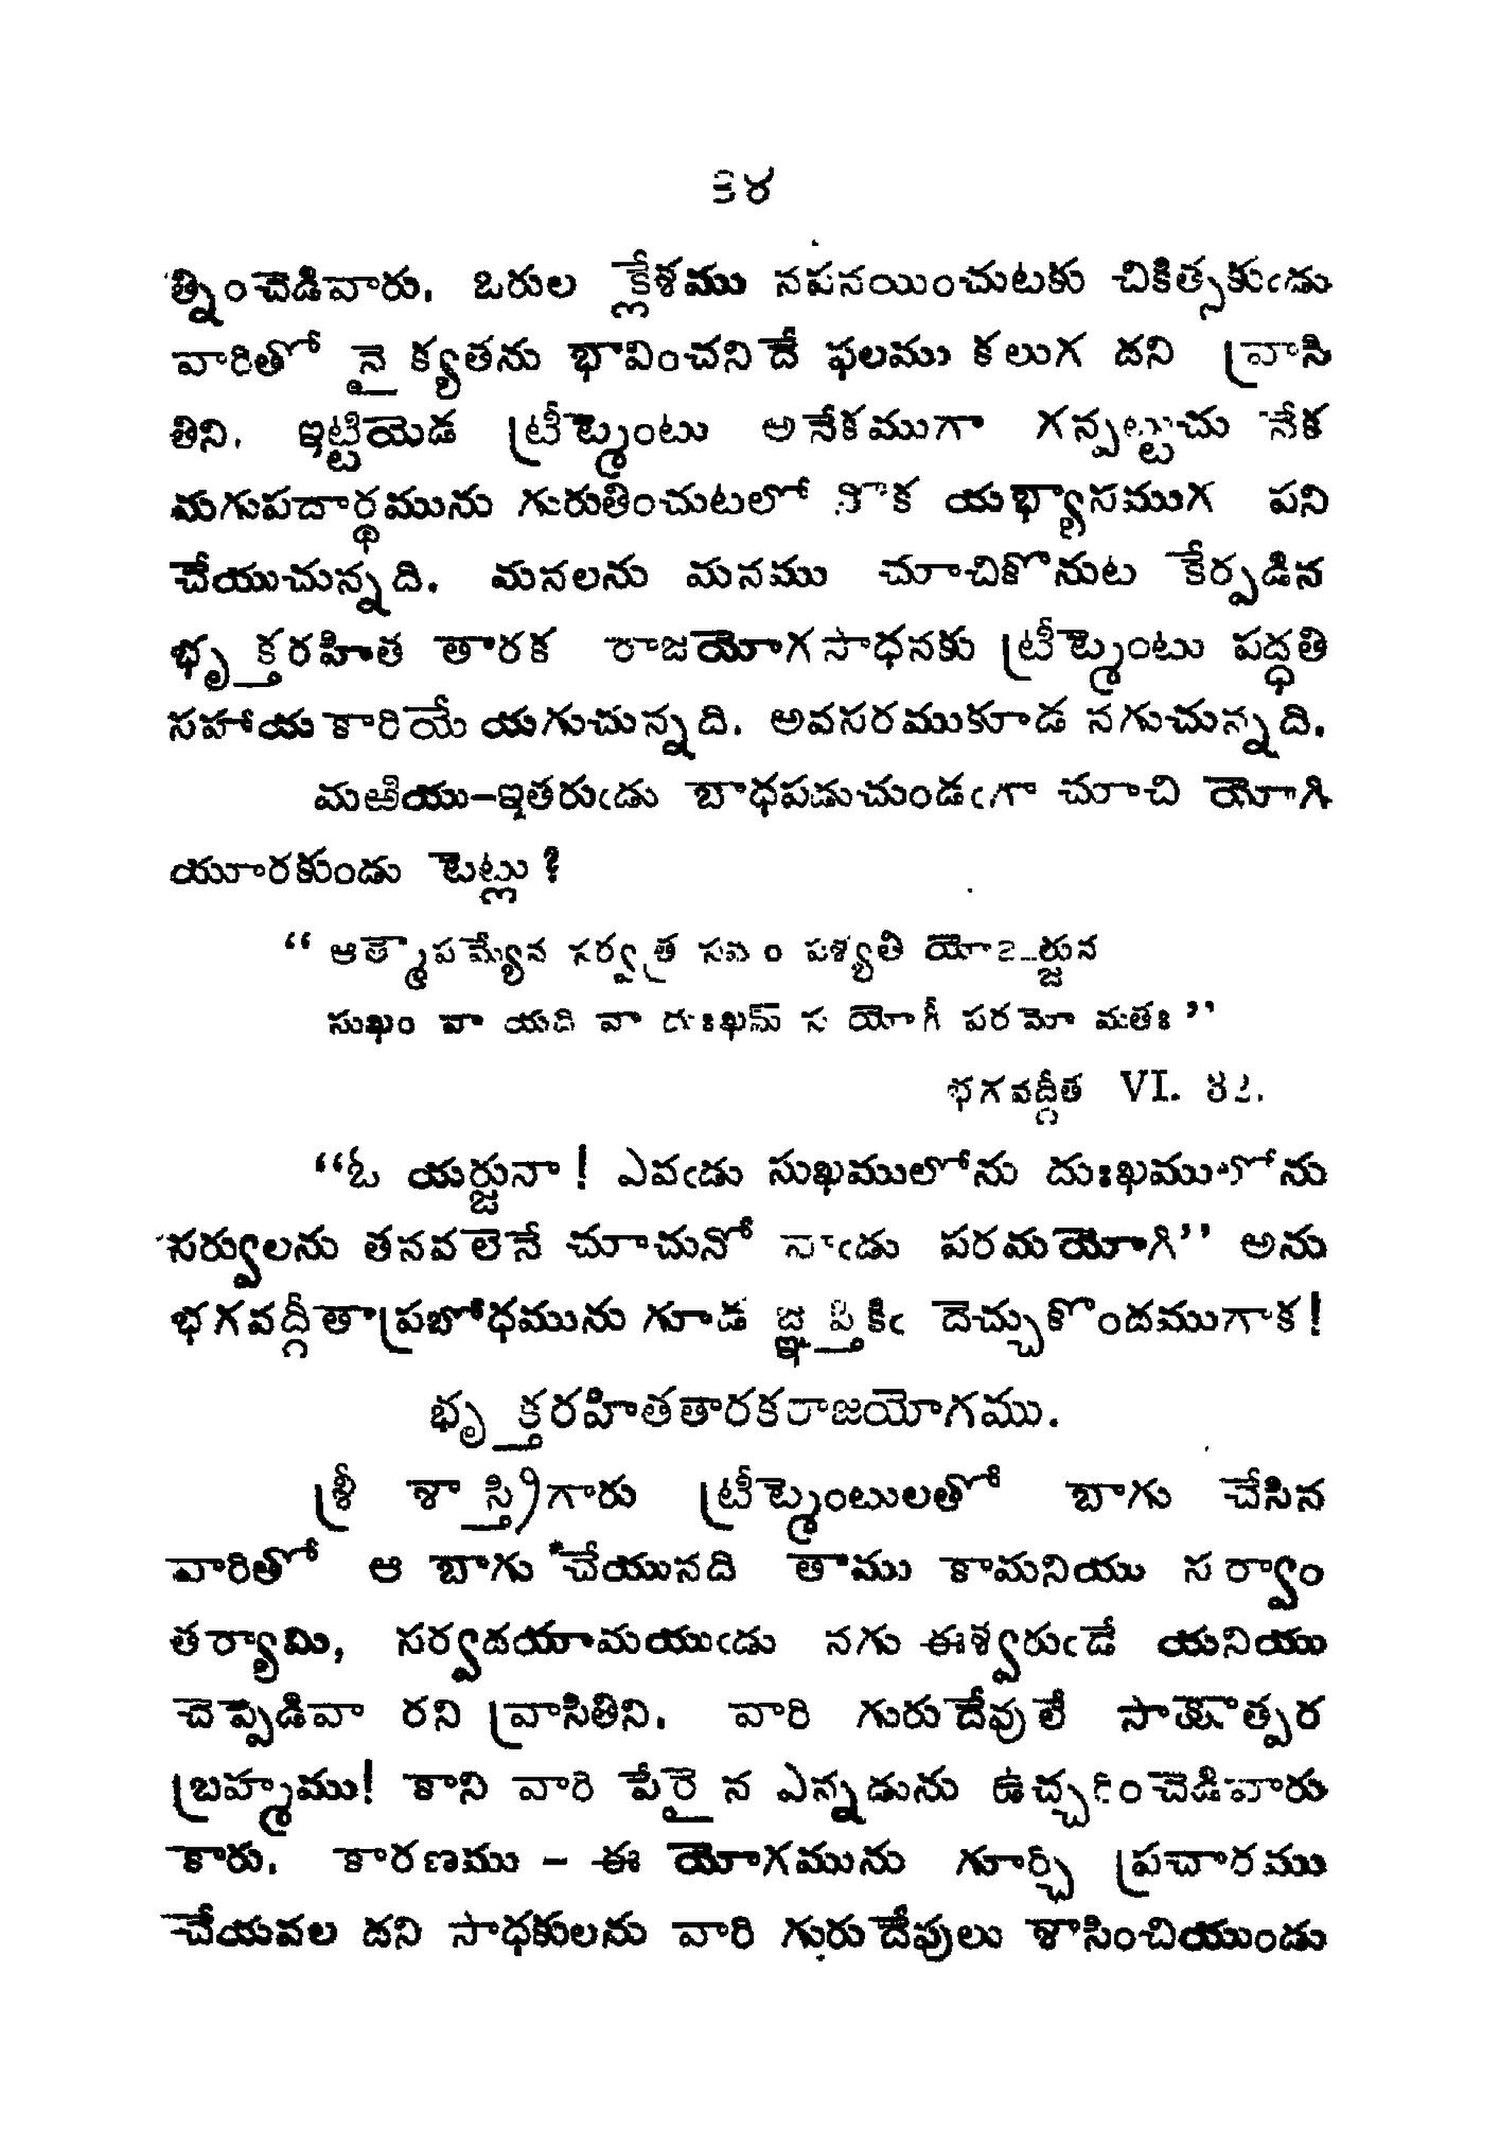త్నించెడి వారు. ఒరుల క్లేశము నపనయించుటకు చికిత్సకుఁడు వారితో నైక్యతను భావించని దే ఫలము కలుగ దని వ్రాసితిని. ఇట్టి యెడ ట్రీట్మేంటు అనేకముగా గన్పట్టుచు నేక మగుపదార్ధమును గురుతించుటలో నొక యాభ్యాసముగ పని చెయుచున్నది. మనలను మనము చూచికొనుట కేర్పడిన భ్రుక్తరహిత తారక రాజయోగ సాధనకు ట్రీట్మేంటు పద్ధతి సహాయకారియే యగుచున్నది.అవసరము కూడ నగుచున్నది.

 మఱియు- ఇతరుఁడు బాధపడుచుండఁ గా చూచి యోగి యూరకుండు టెట్లు?

 "ఆత్మౌపమ్యేన సర్వత్ర సమం పశ్యతి యోర్జున 
 సుఖం వా యది వా దుఃఖమ్ స యోగీ పరమో మతః"
 భగవద్గీత VI .32.

 "ఓ యర్జునా! ఎవఁడు సుఖములోను దుఃఖములోను సర్వులను తనవలెనే చూచునో వాఁడు పరమయోగి" అను భగవద్గీతా ప్రబోధమును గూడజ్ఞాప్తికిఁ దెచ్చుకొందము గాక!
 
భృక్తరహితతారక రాజయోగము 

శ్రీ శాస్త్రిగారు ట్రీట్మేంటులో బాగు చేసిన వారితో ఆ బాగు చేయునది తాము కామనియు సర్వాంతర్యామి, సర్వద యామయుఁడు నగు ఈశ్వరుఁడే యనియు చెప్పెడివా రని వ్రాసితిని. వారి గురుదేవులే సాక్షాత్పర బ్రహ్మము! కాని వారి పేరైన ఎన్నడును ఉచ్చరించెడివారు కారు. కారణము- ఈ యోగమును గూర్చి ప్రచారము చేయవల దని సాధకులను వారి గురుదేవులు శాసించియుండు